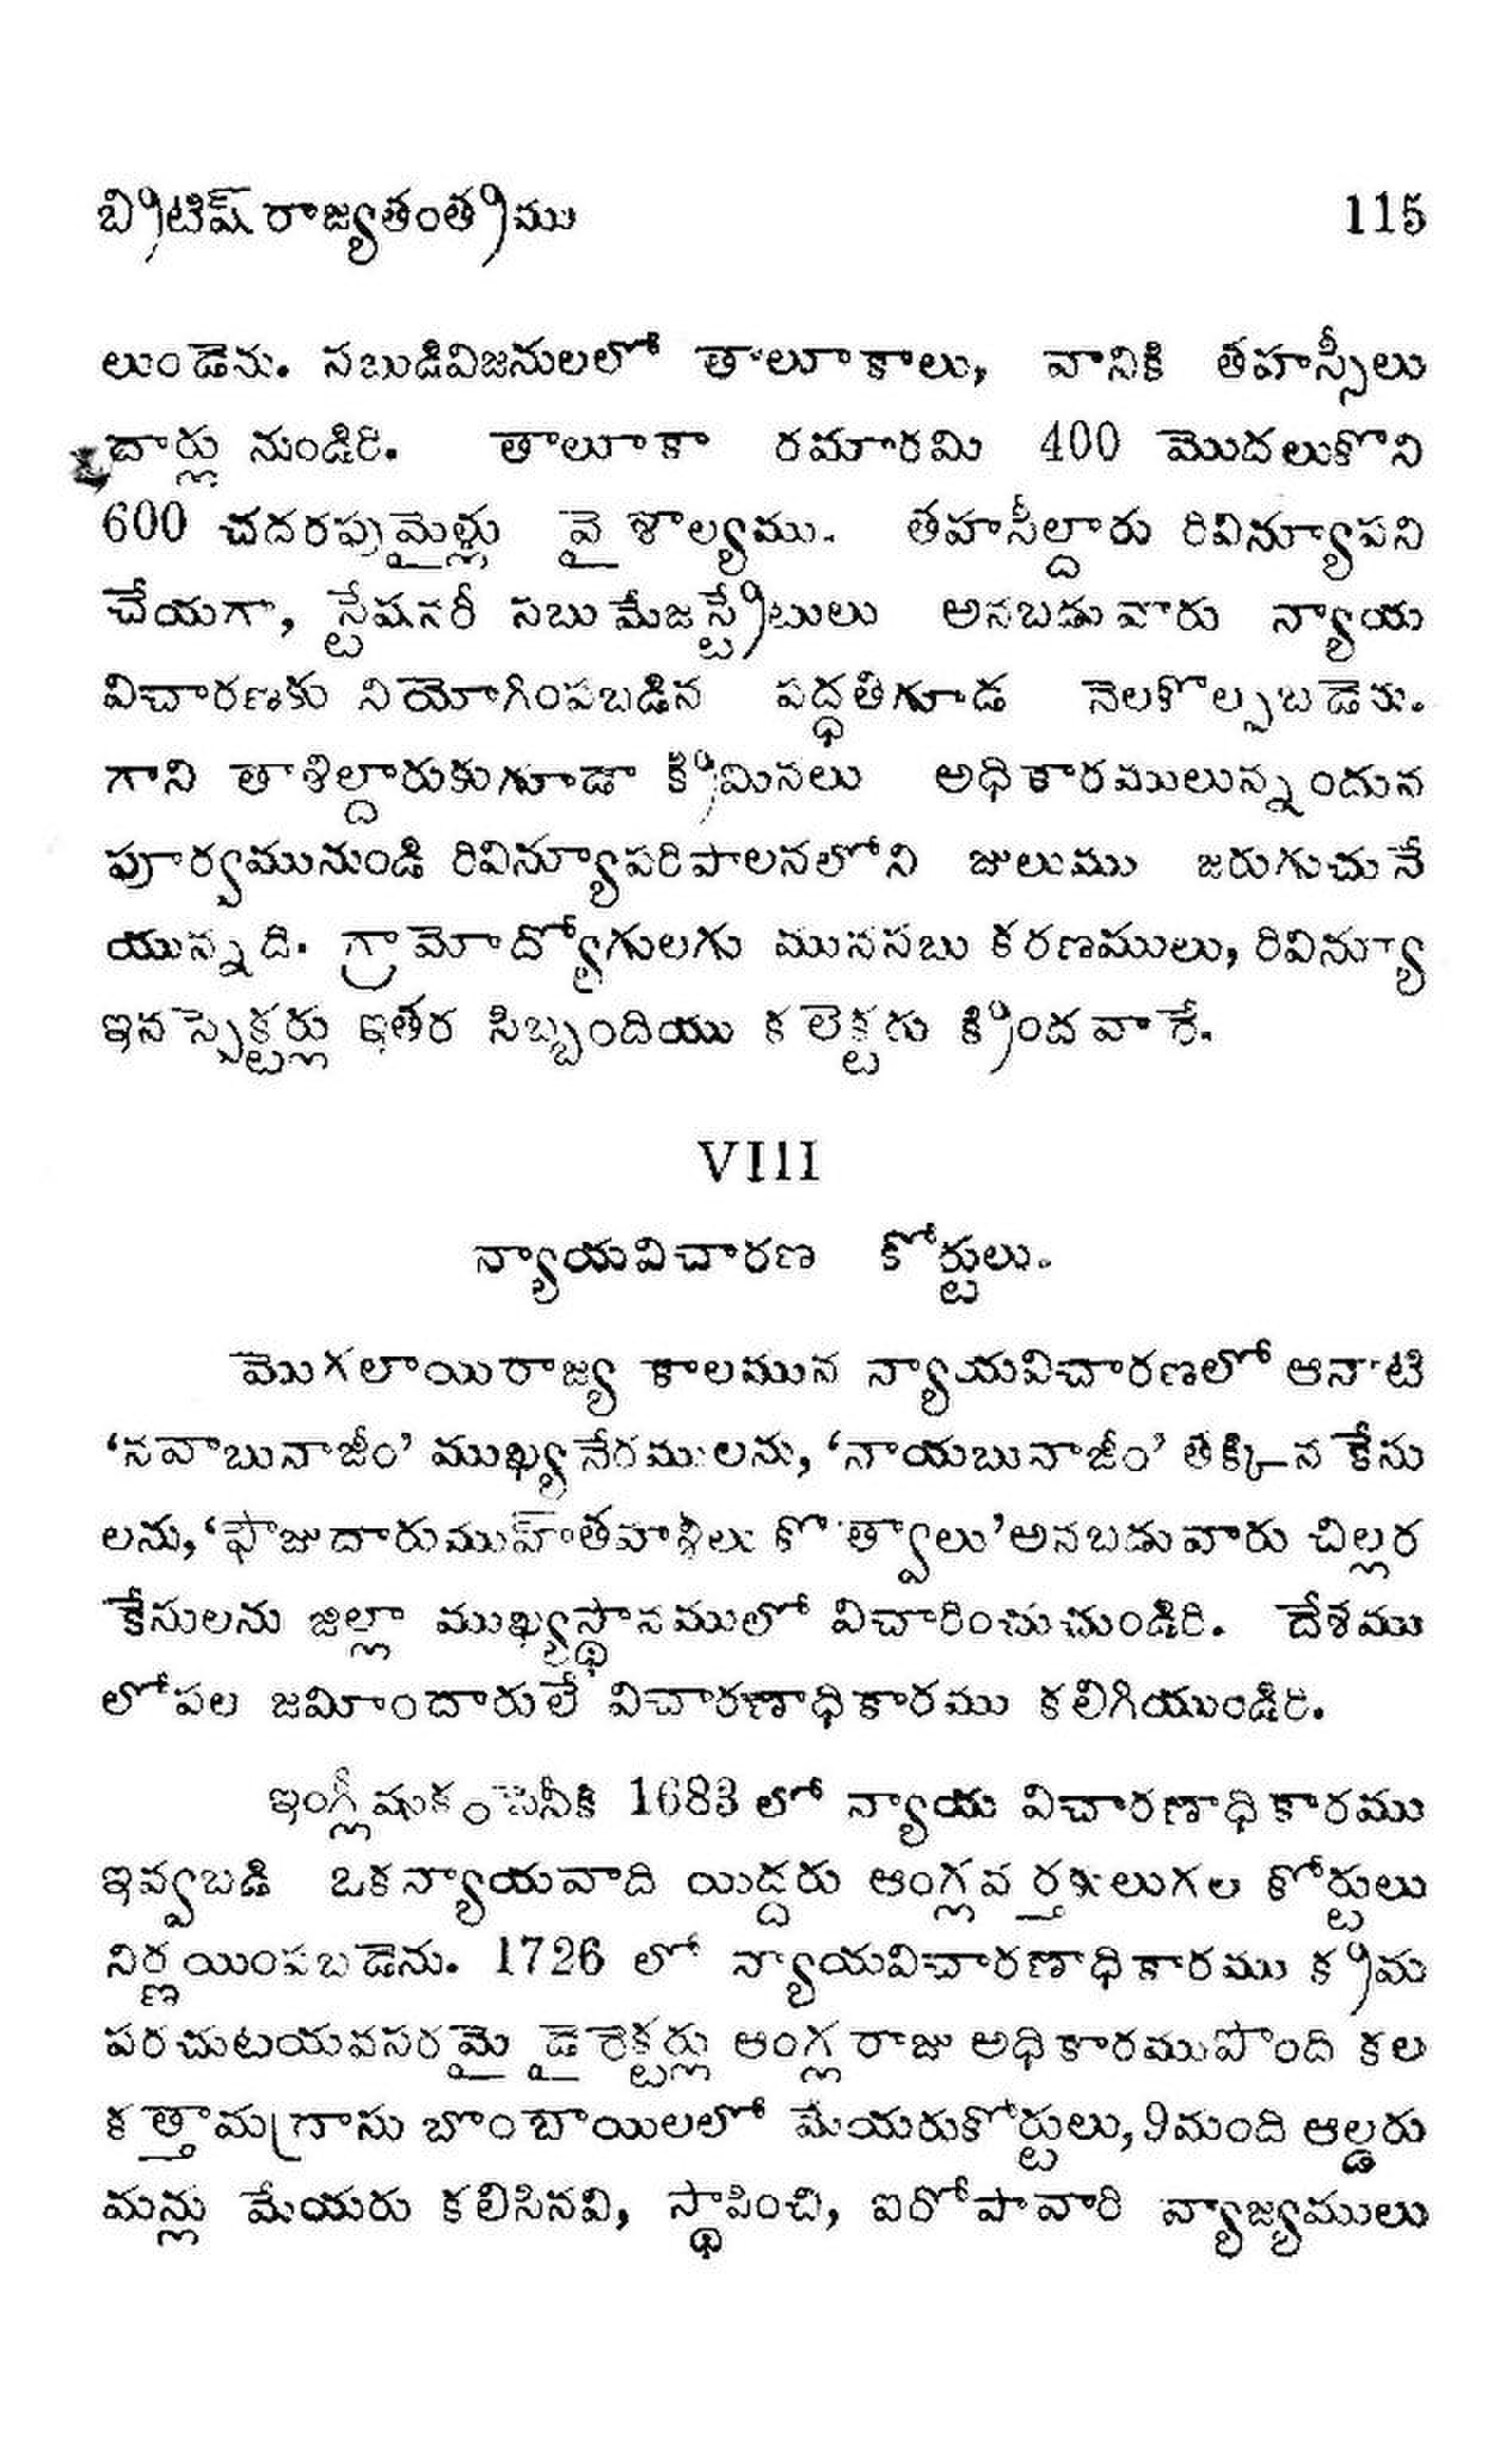లుండెను. సబుడివిజనులలో తాలూకాలు, వానికి తహస్సీలుదార్లు నుండిరి. తాలూకా రమారమి 400 మొదలుకొని 600 చదరపుమైళ్లు వైశాల్యము. తహసీల్దారు రివిన్యూపని చేయగా, స్టేషసరీ సబుమేజస్ట్రేటులు అనబడువారు న్యాయవిచారణకు నియోగింపబడిన పద్దతిగూడ నెలకొల్పబడెను. గాని తాశిల్దారుకుగూడా క్రిమినలు అధికారములున్నందున పూర్వమునుండి రివిన్యూపరిపాలనలోని జులుము జరుగుచునే యున్నది. గ్రామోద్యోగులగు మునసబు కరణములు, రివిన్యూ ఇనస్పెక్టర్లు ఇతర సిబ్బందియు కలెక్టరు క్రిందవారే.

VIII 
న్యాయవిచారణ కోర్టులు. 

మొగలాయిరాజ్య కాలమున న్యాయవిచారణలో ఆనాటి ‘నవాబు నాజీం' ముఖ్యనేరములను, 'నాయబు నాజీం' తక్కిన కేసులను, “ఫౌజుదారుముహ్‌తవాశీలు కొత్వాలు' అనబడువారు చిల్లర కేసులను జిల్లా ముఖ్యస్థానములో విచారించు చుండిరి. దేశములోపల జమీందారులే విచారణాధికారము కలిగియుండిరి.

ఇంగ్లీషుకంపెనీకి 1683 లో న్యాయ విచారణాధికారము ఇవ్వబడి ఒకన్యాయవాది యిద్దరు ఆంగ్లవర్తకులుగల కోర్టులు నిర్ణయింపబడెను. 1726 లో న్యాయవిచారణాధికారము క్రమపరచుటయవసరమై డైరెక్టర్లు ఆంగ్లరాజు అధికారముపొంది కలకత్తా మద్రాసు బొంబాయిలలో మేయరుకోర్టులు, 9 మంది ఆర్డరుమన్లు మేయరు కలిసినవి, స్థాపించి, ఐరోపావారి వ్యాజ్యములు